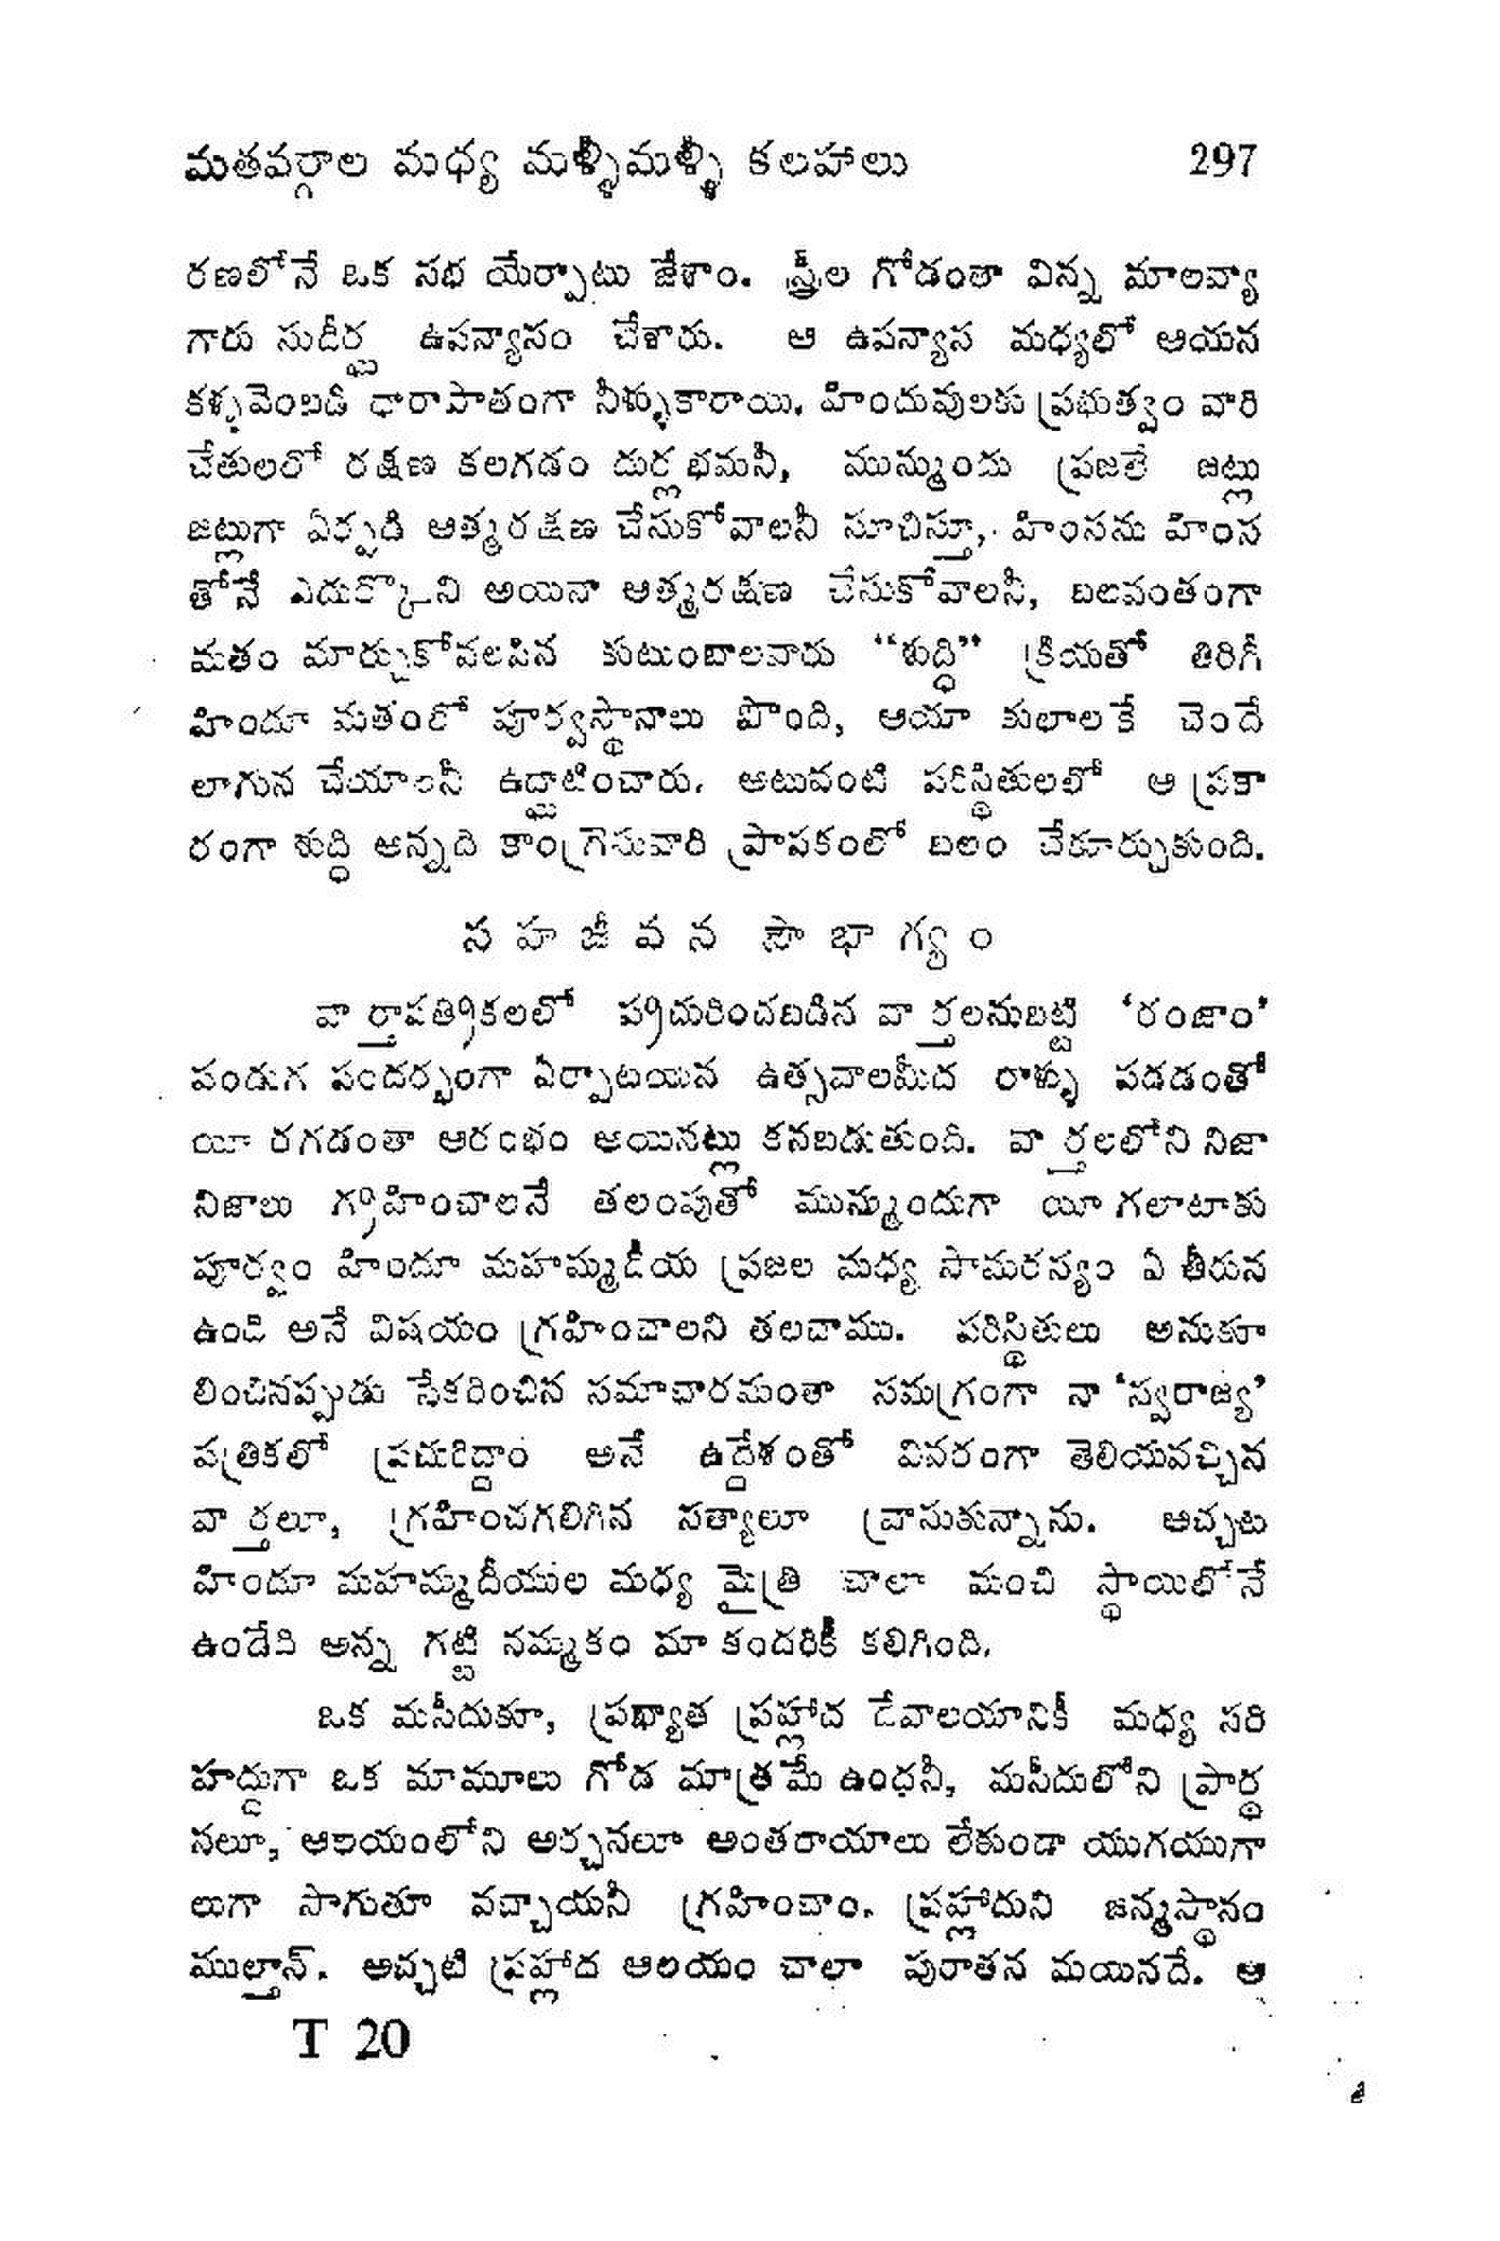రణలోనే ఒక సభ యేర్పాటు జేశాం. స్త్రీల గోడంతా విన్న మాలవ్యాగారు సుదీర్ఘ ఉపన్యాసం చేశారు. ఆ ఉపన్యాస మధ్యలో ఆయన కళ్ళ వెంబడి ధారాపాతంగా నీళ్ళుకారాయి. హిందువులకు ప్రభుత్వంవారి చేతులలో రక్షణ కలగడం దుర్లభమనీ, మున్ముందు ప్రజలే జట్లు జట్లుగా ఏర్పడి ఆత్మరక్షణ చేసుకోవాలనీ సూచిస్తూ, హింసను హింసతోనే ఎదుర్కొని అయినా ఆత్మరక్షణ చేసుకోవాలనీ, బలవంతంగా మతం మార్చుకోవలసిన కుటుంబాలవారు "శుద్ధి" క్రియతో తిరిగీ హిందూ మతంలో పూర్వస్థానాలు పొంది, ఆయా కులలాకే చెందేలాగున చేయాలనీ ఉద్ఘాటించారు. అటువంటి పరిస్థితులలో ఆ ప్రకారంగా శుద్ధి అన్నది కాంగ్రెసువారి ప్రాపకంలో బలం చేకూర్చుకుంది.

వార్తాపత్రికలలో ప్రచురించబడిన వార్తలనుబట్టి "రంజాం" పండుగ సందర్భంగా ఏర్పాటయిన ఉత్సవాలమీద రాళ్ళు పడడంతో యీ రగడంతా ఆరంభం అయినట్లు కనబడుతుంది. వార్తలలోని నిజానిజాలు గ్రహించాలనే తలంపుతో మున్ముందుగా యీ గలాటాకు పూర్వం హిందూ మహమ్మదీయ ప్రజల మధ్య సామరస్యం ఏ తీరున ఉంది అనే విషయం గ్రహించాలని తలచాము. పరిస్థితులు అనుకూలించినప్పుడు సేకరించిన సమాచారమంతా సమగ్రంగా నా "స్వరాజ్య" పత్రికలో ప్రచురిద్దాం అనే ఉద్దేశంతో వివరంగా తెలియవచ్చిన వార్తలూ, గ్రహించగలిగిన సత్యాలూ వ్రాసుకున్నాను. అచ్చట హిందూ మహమ్మదీయుల మధ్యమైత్రి చాలా మంచి స్థాయిలోనే ఉండేది అన్న గట్టి నమ్మకం మా కందరికీ కలిగింది.

ఒక మసీదుకూ, ప్రఖ్యాత ప్రహ్లాద దేవలయానికీ మధ్య సరిహద్దుగా ఒక మామూలు గోడ మాత్రమే ఉంధనీ, మసీదులోని ప్రార్థనలూ, ఆలయంలోని అర్చనలూ అంతరాయాలు లేకుండా యుగయుగాలుగా సాగుతూ వచ్చాయనీ గ్రహించాం. ప్రహ్లాదుని జన్మస్థానం ముల్తాన్. అచ్చటి ప్రహ్లాద ఆలయం చాలా పురాతన మయినదే. ఆ